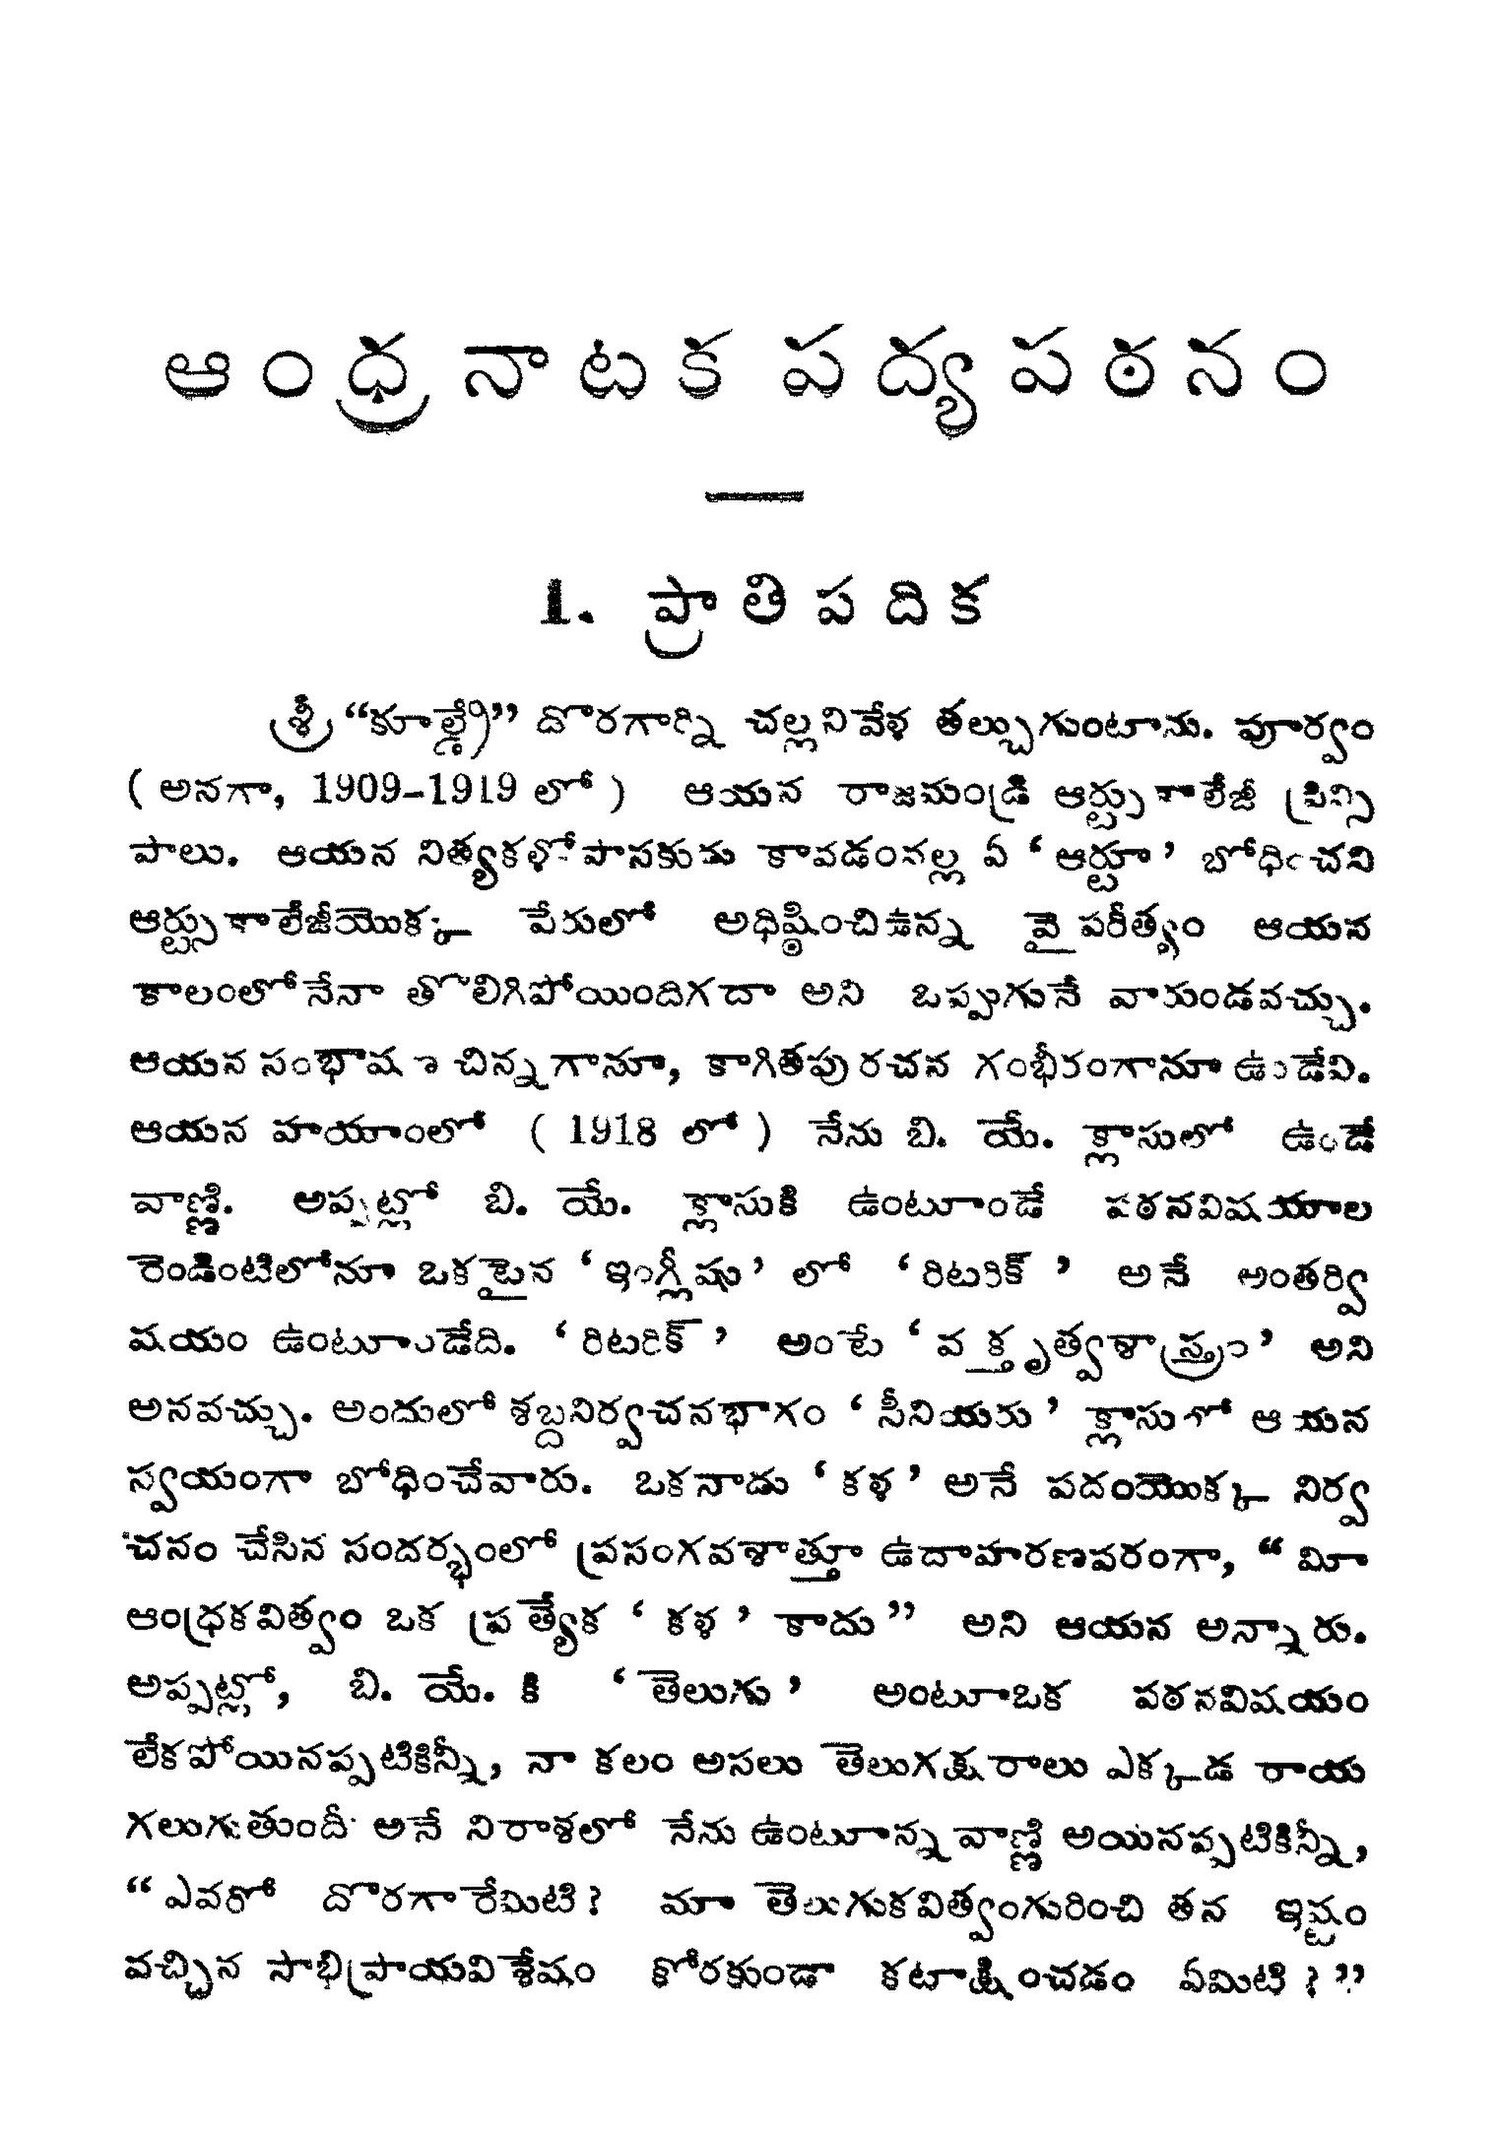ఆంధ్ర నాటక పద్య పఠనం

1. ప్రాతిపదిక

శ్రీ "కూల్డ్రే " దొరగార్ని చల్లనివేళ తల్చుకుంటాను. పూర్వం (అనగా, 1909-1919 లో) ఆయన రాజమండ్రి ఆర్ట్సు కాలేజీ ప్రిన్సిపాలు. ఆయన నిత్యకళోపాసకుడు కావడంవల్ల ఏ 'ఆర్టూ' బోధించని ఆర్ట్సు కాలేజీయొక్క పేరులో అధిష్ఠించిఉన్న వైపరీత్యం ఆయన కాలంలోనేనా తొలిగిపోయిందిగదా అని ఒప్పుగునే వారుండవచ్చు. ఆయన సంభాషణ చిన్నగానూ, కాగితపురచన గంభీరంగానూ ఉండేవి. ఆయన హయాంలో (1918 లో) నేను బి. యే. క్లాసులో ఉండేవాణ్ణి. అప్పట్లో బి. యే. క్లాసుకి ఉంటూండే పఠనవిషయాల
రెండింటిలోనూ ఒకటైన 'ఇంగ్లీషు' లో 'రిటరిక్' అనే అంతర్విషయం ఉంటూండేది. ‘రిటరిక్' అంటే 'వక్తృత్వశాస్త్రం' అని అనవచ్చు. అందులో శబ్దనిర్వచనభాగం 'సీనియరు' క్లాసులో ఆయన స్వయంగా బోధించేవారు. ఒకనాడు 'కళ' అనే పదంయొక్క నిర్వచనం చేసిన సందర్భంలో ప్రసంగవశాత్తూ ఉదాహరణపరంగా, "మీ ఆంధ్రకవిత్వం ఒక ప్రత్యేక 'కళ' కాదు” అని ఆయన అన్నారు. అప్పట్లో, బి. యే. కి 'తెలుగు' అంటూ ఒక పఠనవిషయం లేకపోయినప్పటికిన్నీ, నా కలం అసలు తెలుగక్షరాలు ఎక్కడ రాయగలుగుతుందీ అనే నిరాశలో నేను ఉంటూన్నవాణ్ణి అయినప్పటికిన్నీ, “ఎవరో దొరగారేమిటి? మా తెలుగుకవిత్వం గురించి తన ఇష్టం వచ్చిన సాభిప్రాయవిశేషం కోరకుండా కటాక్షించడం ఏమిటి?"